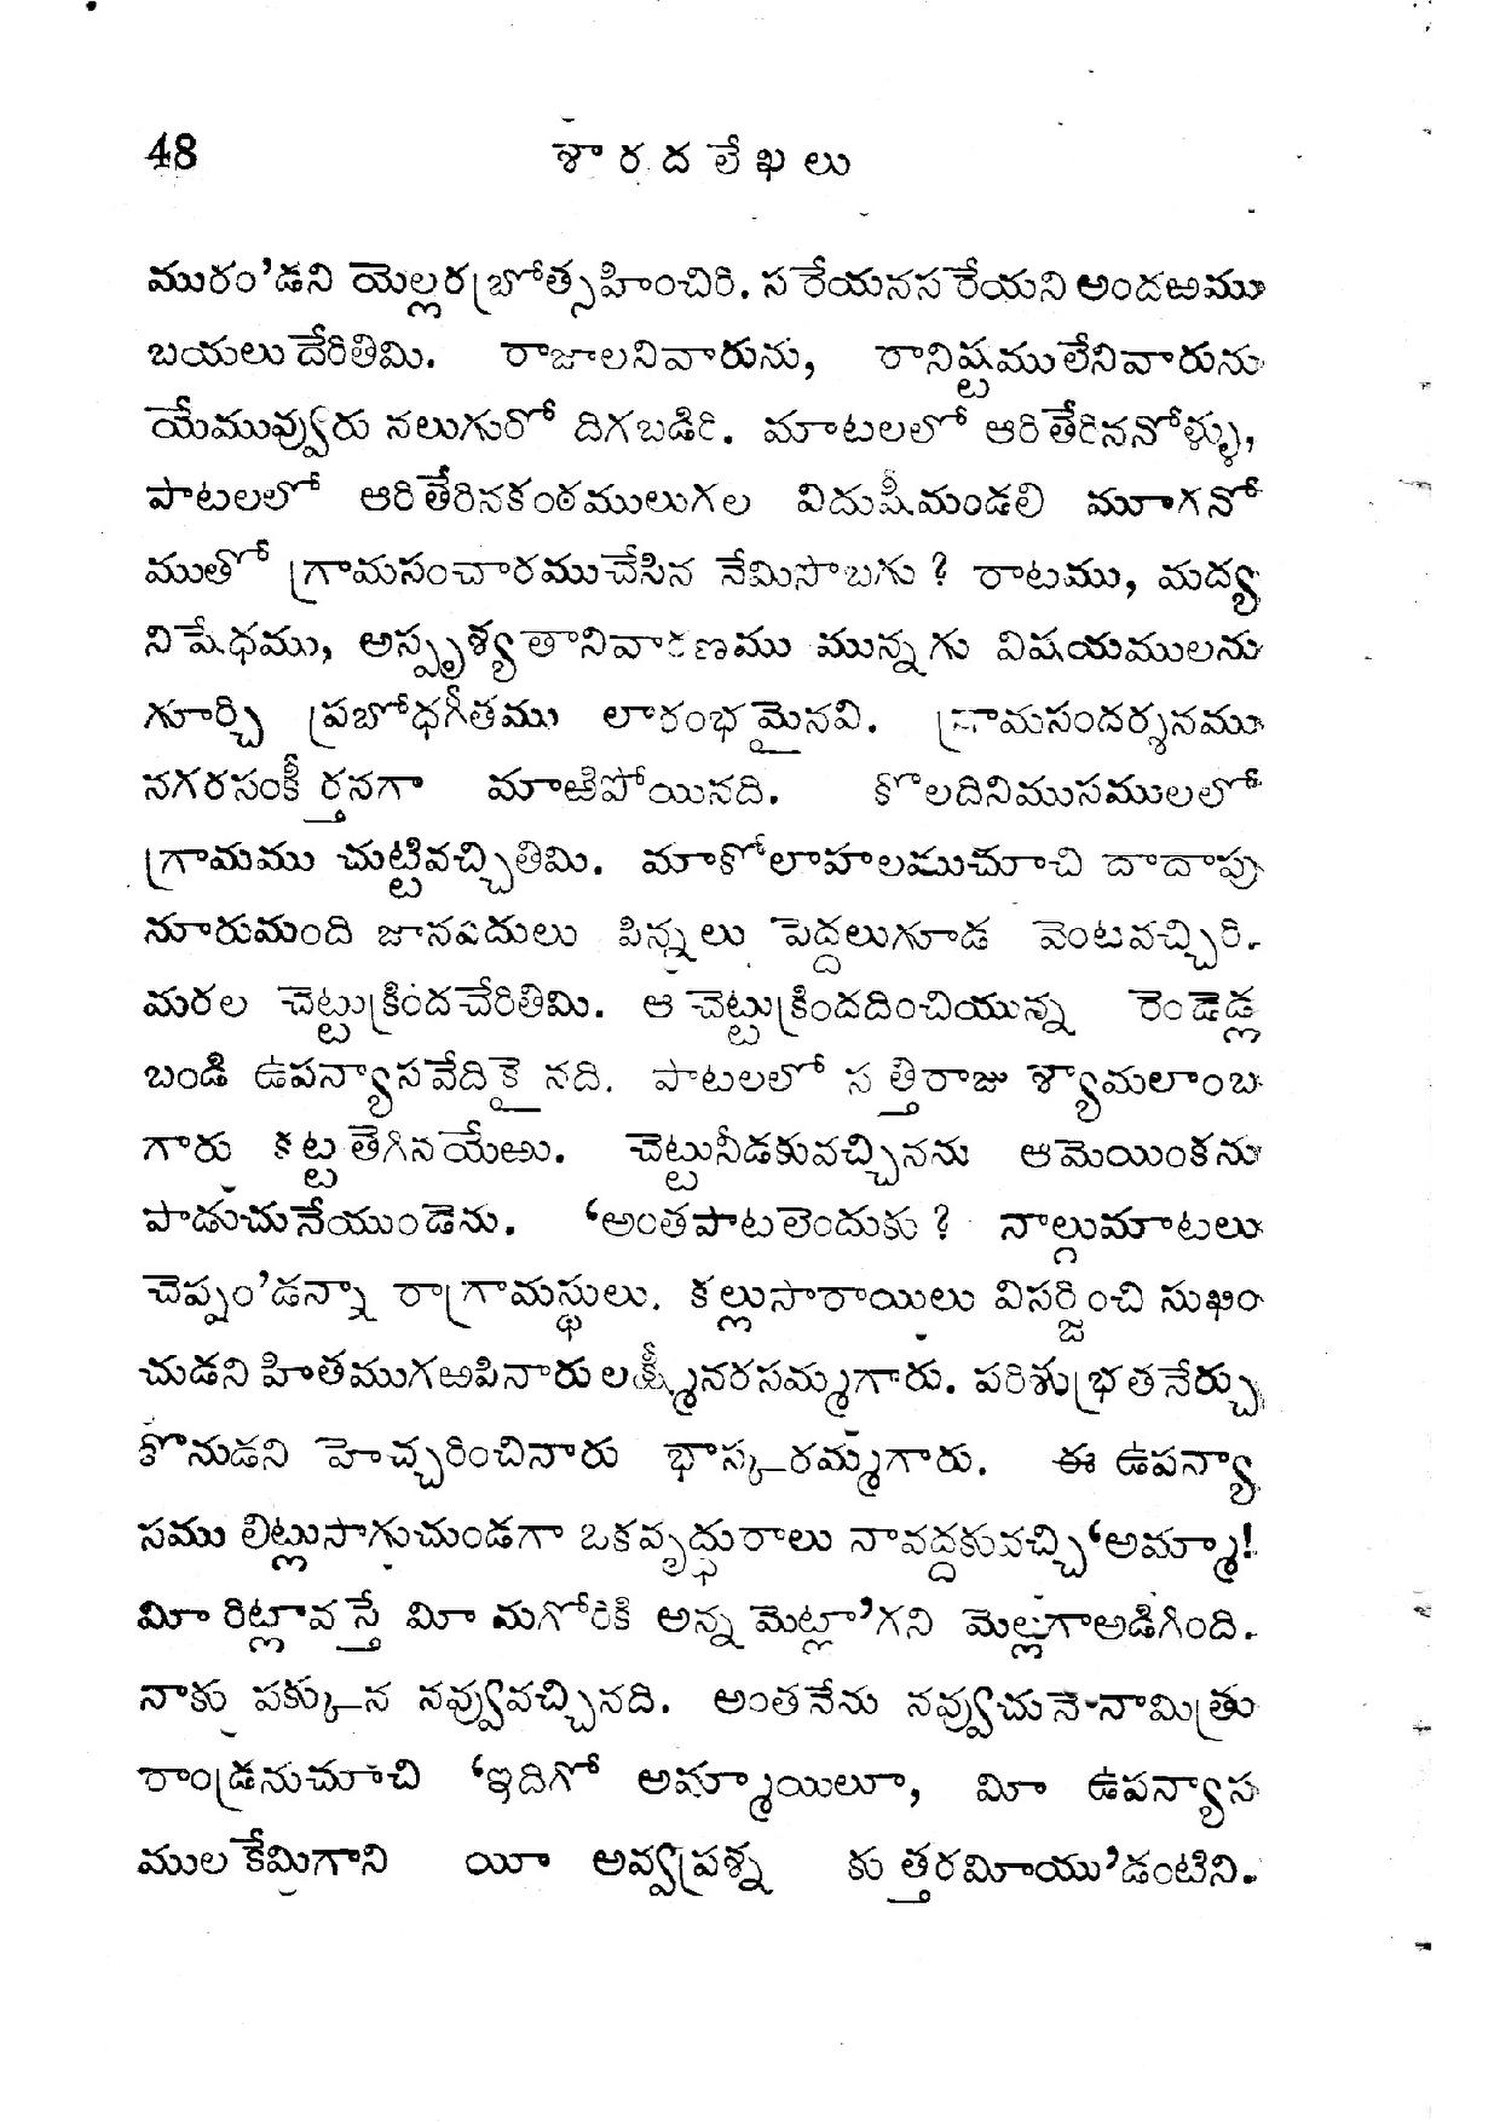మురం'డని యెల్లరబ్రోత్సహించిరి. సరేయని అందఱము
బయలు దేరితిమి. రాజాలనివారును, రానిష్టము లేనివారును
యేమువ్వురు నలుగురో దిగబడిరి. మాటలలో ఆరితేరిననోళ్ళు,
పాటలలో ఆరితేరిన కంఠములుగల విదుషీ మండలి మూగనో
ముతో గ్రామసంచారము చేసిన నేమిసొబగు? రాటము, మద్య
నిషేధము, అస్పృశ్యతా నివారణము మున్నగు విషయములను
గూర్చి ప్రబోధగీతము లారంభమైనవి. గ్రామసందర్శనము
నగరసంకీర్తనగా మాఱిపోయినది. కొలదినిముసములలో
గ్రామము చుట్టివచ్చితిమి. మాకోలాహలముచూచి దాదాపు
నూరుమంది జానపదులు పిన్నలు పెద్దలు గూడ వెంటవచ్చిరి.
మరల చెట్టుక్రింద చేరితిమి. ఆ చెట్టుక్రిందదించియున్న రెండెడ్ల
బండి ఉపన్యాస వేదికైనది. పాటలలో సత్తిరాజు శ్యామలాంబ
గారు కట్ట తెగినయేఱు. చెట్టునీడకు వచ్చినను ఆమెయింకను
పాడుచునేయుండెను. 'అంతపాటలెందుకు? నాల్గుమాటలు
చెప్పం’ డన్నా రాగ్రామస్థులు. కల్లుసారాయిలు విసర్జించి సుఖిం
చుడని హితముగఱపినారు లక్ష్మీనరసమ్మగారు. పరిశుభ్రతనేర్చు
కొనుడని హెచ్చరించినారు భాస్కరమ్మగారు. ఈ ఉపన్యా
సము లిట్లుసాగుచుండగా ఒక వృద్ధురాలు నావద్దకు వచ్చి 'అమ్మా!
మీ రిట్లావస్తే మీ మగోరికి అన్న మెట్లాగని మెల్లగా అడిగింది.
నాకు పక్కున నవ్వువచ్చినది. అంతనేను నవ్వుచునే నా మిత్రు
రాండ్రనుచూచి 'ఇదిగో అమ్మాయిలూ, మీ ఉపన్యాస
ముల కేమిగాని యీ అవ్వప్రశ్నకు ఉత్తర మీయు’డంటిని.